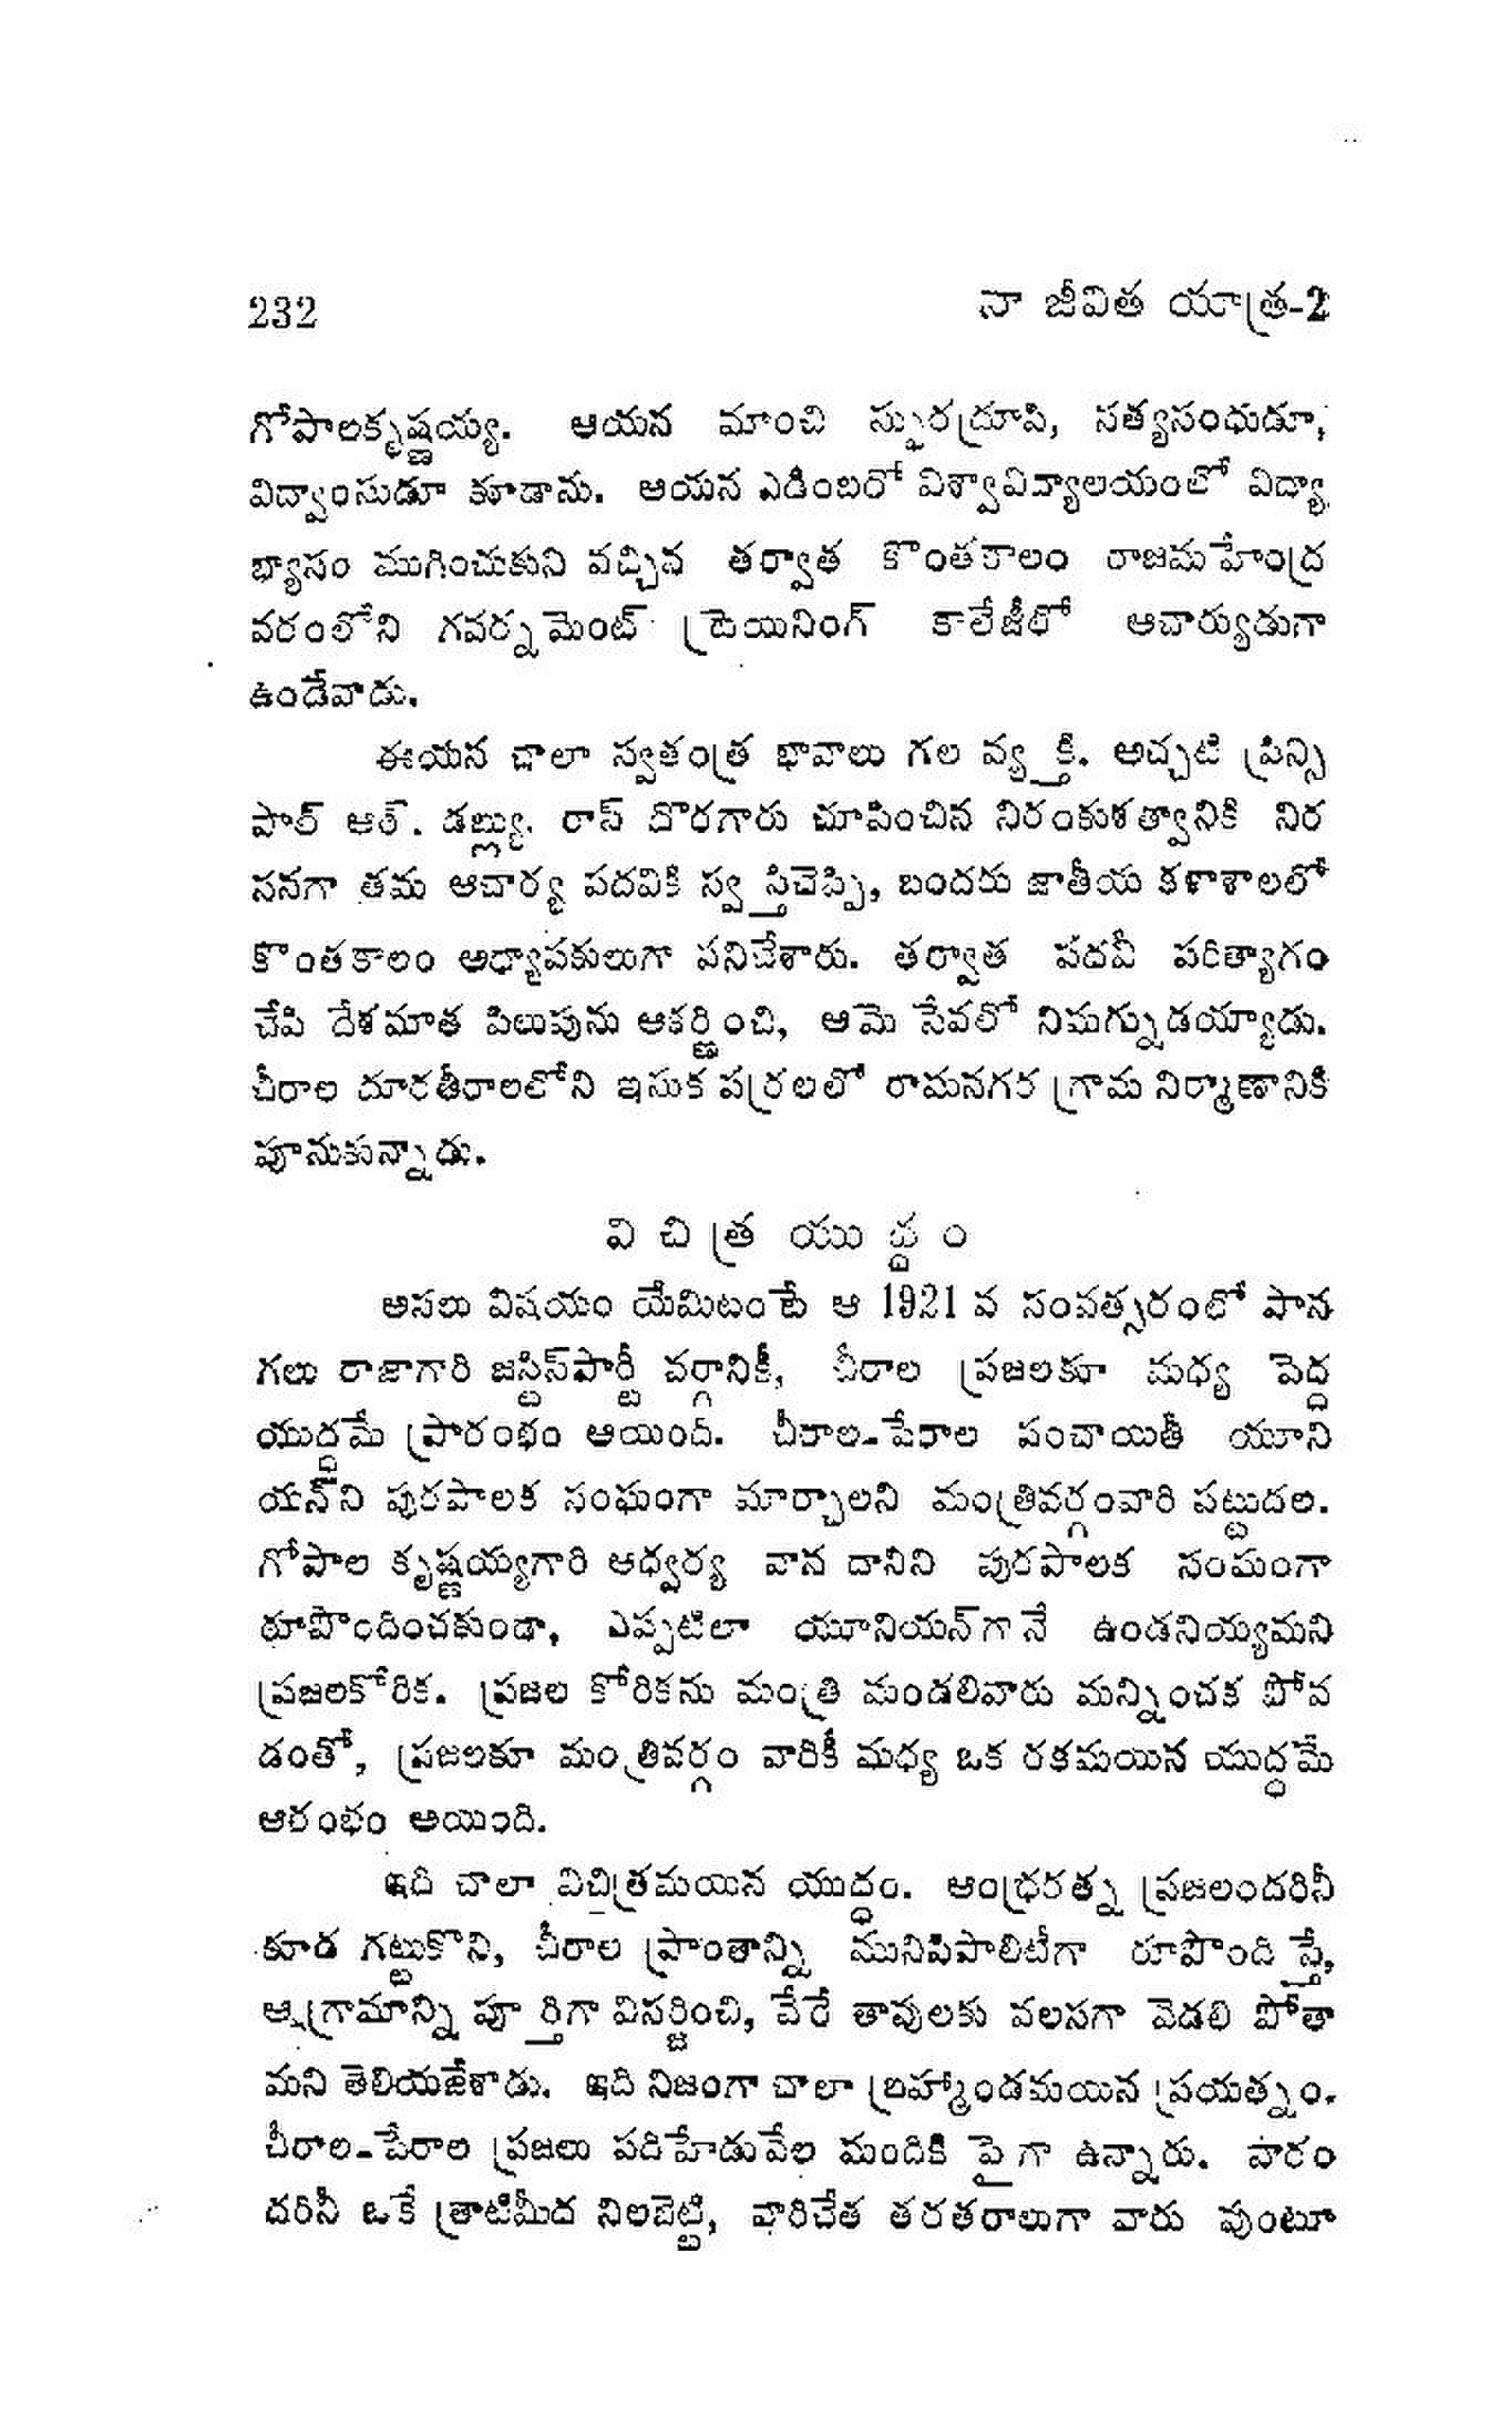గోపాలకృష్ణయ్య. ఆయన మాంచి స్పురద్రూపి, సత్యసంధుడూ, విద్వాంసుడూ కూడాను. ఆయన ఎడింబరో విశ్వవిద్యాలయంలో విద్యాభ్యాసం ముగించుకుని వచ్చిన తరువాత కొంతకాలం రాజమహేంద్రవరంలోని గవర్నమెంట్ ట్రెయినింగ్ కాలేజిలో ఆచార్యుడుగా ఉండేవాడు.

ఈయన చాలా స్వతంత్ర భావాలు గల వ్యక్తి. అచ్చటి ప్రిన్సిపాల్ ఆర్.డబ్ల్యు. రాస్ దొరగారు చూపించిన నిరంకుశత్వానికి నిరసనగా తమ ఆచార్య పదవికి స్వస్తిచెప్పి, బందరు జాతీయ కళాశాలలో కొంతకాలం అధ్యాపకులుగా పనిచేశారు. తర్వాత పదవీ పరిత్యాగం చేసి దేశమాత పిలుపును ఆకర్షించి, ఆమె సేవలో నిమగ్నుడయ్యాడు. చీరాల దూరతీరాలలోని ఇసుక పర్రలలో రామనగర గ్రామ నిర్మాణానికి పూనుకున్నాడు. 

అసలు విషయం యేమిటంటే ఆ 1921 వ సంవత్సరంలో పానగలు రాజాగారి జస్టిస్‌పార్టి వర్గానికి, చీరాల ప్రజలకూ మధ్య పెద్ద యుద్ధమే ప్రారంభం అయింది. చీరాల-పేరాల పంచాయతీ యూనియన్‌ని పురపాలక సంఘంగా మార్చాలని మంత్రివర్గంవారి పట్టుదల. గోపాల కృష్ణయ్యగారి ఆధ్వర్య వాన దానిని పురపాలక సంఘంగా రూపొందించకుండా, ఎప్పటిలా యూనియన్ గానే ఉండనియ్యమని ప్రజలకోరిక. ప్రజల కోరికను మంత్రి మండలివారు మన్నించక పోవడంతో, ప్రజలకూ మంత్రివర్గం వారికీ మధ్య ఒక రకమయిన యుద్దమే ఆరంభం అయింది.

ఇది చాలా విచిత్రమయిన యుద్దం. ఆంధ్రరత్న ప్రజలందరినీ కూడ గట్టుకొని, చీరాల ప్రాంతాన్ని మునిసిపాలిటీగా రూపొందిస్తే, ఆగ్రామాన్ని పూర్తిగా విసర్జించి, వేరే తావులకు వలసగా వెడలి పోతామని తెలియజేశాడు. ఇది నిజంగా చాలా బ్రహ్మాండమయిన ప్రయత్నం. చీరాల-పేరాల ప్రజలు పదిహేడువేల మందికి పైగా ఉన్నారు. వారందరినీ ఒకే త్రాటిమీద నిలబెట్టి, వారిచేత తరతరాలుగా వారు వుంటూ